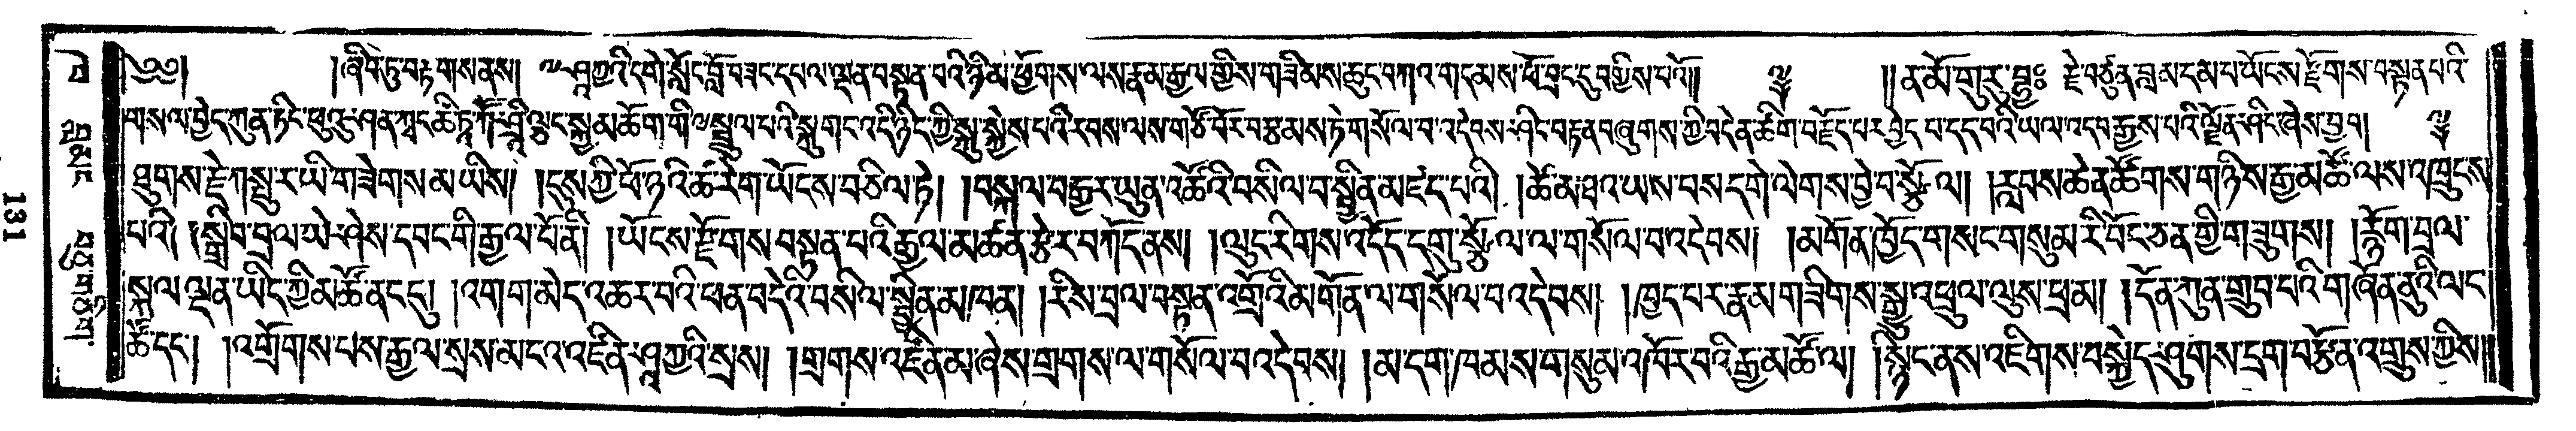༄༅། །ཞིབ་ཏུ་བརྟགས་ནས། ༧་ཤཱཀྱའི་དགེ་སློང་བློ་བཟང་དཔལ་ལྡན་བསྟན་པའི་ཉི་མ་ཕྱོགས་ལས་རྣམ་རྒྱལ་གྱིས་གཟིམས་ཆུང་བཀའ་གདམས་ཕོ་བྲང་དུ་བགྱིས་པའོ།། ༈ །།ན་མོ་གུ་རུ་བྷྱཿ རྗེ་བཙུན་བླ་མ་དམ་པ་ཡོངས་རྫོགས་བསྟན་པའི་
གསལ་བྱེད་ཀུན་ཏིང་ཕུའུ་ཤན་ཀྭང་ཚི་ཏཱ་ཀཽ་ཤྲཱི་ལྕང་སྐྱ་མཆོག་གི་༧་སྤྲུལ་པའི་སྐུ་གང་འདི་ཉིད་ཀྱི་སྐུ་སྐྱེས་པའི་རབས་ལས་གཙོ་བོར་བརྩམས་ཏེ་གསོལ་བ་འདེབས་ཤིང་བརྟན་བཞུགས་ཀྱི་བདེན་ཚིག་བརྗོད་པར་བྱེད་པ་དད་པའི་ཡལ་འདབ་རྒྱས་པའི་ལྗོན་ཤིང་ཞེས་བྱ་བ། ༈
ཐུགས་རྗེ་ཀསྤུ་ར་ཡི་གཟེགས་མ་ཡིས། །དུས་ཀྱི་ཕོ་ཉའི་ཚ་རེག་ཡོངས་བཅིལ་ཏེ། །བསྐལ་བརྒྱར་ཡུན་འཚོའི་བསིལ་བ་སྦྱིན་མཛད་པའི། །ཚེ་མཐའ་ཡས་པས་དགེ་ལེགས་བྱེ་བ་སྩོལ། །རླབས་ཆེན་ཚོགས་གཉིས་རྒྱ་མཚོ་ལས་འཁྲུངས་
པའི༑ ༑སྒྲིབ་བྲལ་ཡེ་ཤེས་དབང་གི་རྒྱལ་པོ་ནི། །ཡོངས་རྫོགས་བསྟན་པའི་རྒྱལ་མཚན་རྩེར་བཀོད་ནས། །ལུང་རིགས་འདོད་དགུ་སྩོལ་ལ་གསོལ་བ་འདེབས། །མགོན་ཁྱོད་གསང་གསུམ་རི་བོང་ཅན་གྱི་གཟུགས། །རྙོག་བྲལ་
སྐལ་ལྡན་ཡིད་ཀྱི་མཚོ་ནང་དུ། །འགག་མེད་འཆར་བའི་ཕན་བདེའི་བསིལ་སྦྱིན་མཁན། །རིས་བྲལ་བསྟན་འགྲོའི་མགོན་ལ་གསོལ་བ་འདེབས། །ཁྱད་པར་རྣམ་གཟིགས་སྒྱུ་འཕྲུལ་ལུས་ཕྲ་མ། །དོན་ཀུན་གྲུབ་པའི་གཞོན་ནུའི་ལང་
ཚོ་དང་། །འགྲོགས་པས་རྒྱལ་སྲས་མངའ་འཛིན་ཤཱཀྱའི་སྲས། །གྲགས་འཛིན་མ་ཞེས་གྲགས་ལ་གསོལ་བ་འདེབས། །མ་དག་ཁམས་གསུམ་འཁོར་བའི་རྒྱ་མཚོ་ལས། །སྙིང་ནས་འཇིགས་བསྐྱེད་ཤུགས་དྲག་བརྩོན་འགྲུས་ཀྱིས།